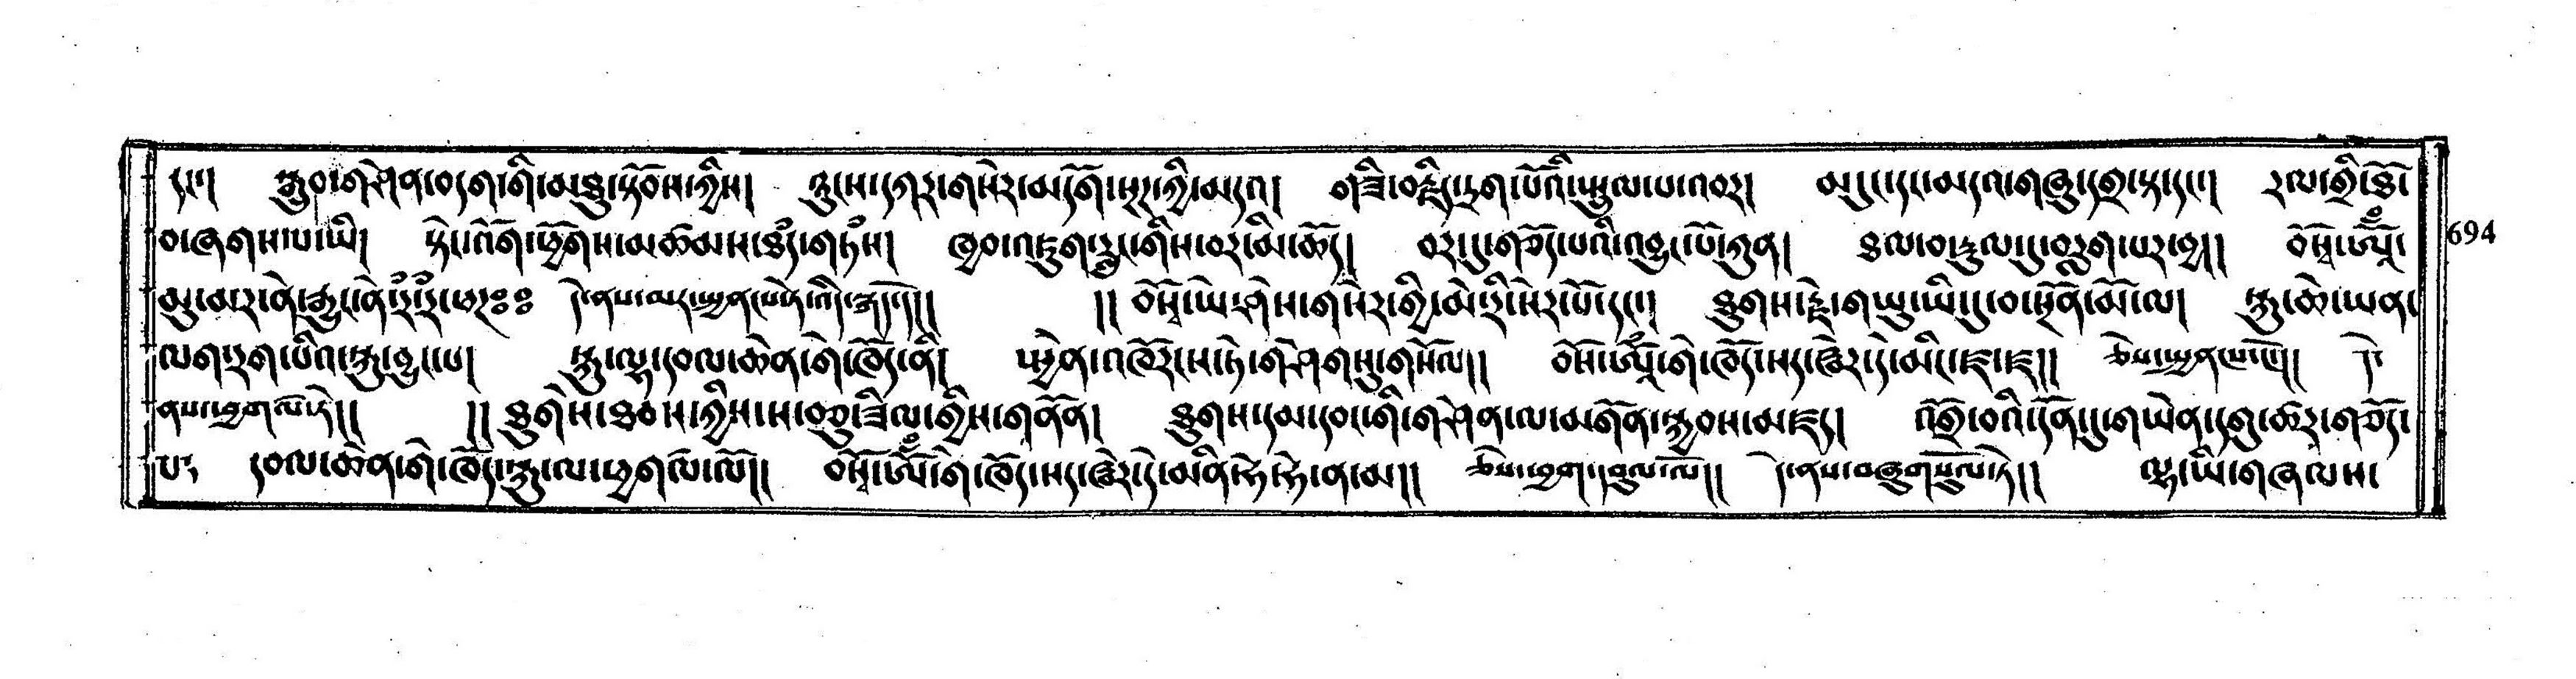དང་། སྒྲུབ་གཤེན་བདག་གི་མཐུ་སྟོབས་ཀྱིས། ཉུངས་དཀར་གསེར་མདོག་སྔགས་ཀྱི་མདའ། གཟི་བརྗིད་དྲག་པོའི་སྤྲུལ་པ་འབར། མདུང་དང་མདའ་གཞུ་དགྲ་སྟ་དང་། རལ་གྲི་ཐོ་
བ་ཞགས་པ་ཡི། སྟེང་འོག་ཕྱོགས་མཚམས་ཐམས་ཅད་གཏམས། ཁྱབ་འཇུག་རླུང་གིས་བར་མི་ཆོད། བར་དུ་གཅོད་པའི་འབྱུང་པོ་ཀུན། ཐལ་བ་རྡུལ་དུ་བརླག་པར་བྱ།། བསྭོ་ཨཱོཾ་
མུ་མར་ནེ་རྒྱུང་ནེ་རཾ་རཾ་ཕཊཿ༔ དེ་ནས་མར་སྤྱན་དྲངས་ཏེ་འདི་སྐད་དོ།། །།བསྭོ་ཡེ་ཤེས་གསེར་གྱི་མེ་རི་སེར་པོ་དང་། ཐུགས་རྗེ་གཡུ་ཡི་དུ་བ་སྔོན་མོ་ལ། སྐུ་ཆེ་ཡན་
ལག་རག་པའི་སྐུ་བྱུང་པ། སྐུ་ལྷ་དབལ་ཆེན་གེ་ཁོད་ནི། སྤྱན་འདྲེན་འཁོར་དང་བཅས་ཏེ་གཤེགས་སུ་གསོལ།། བསྭོ་ཨཱོཾ་གེ་ཁོད་སད་ཝེར་དེ་མིང་ཛ་ཛ།། ཅེས་སྤྱན་དྲང་ངོ་།། དེ་
ནས་ཕྱག་འཚལ་ཏེ།། །།ཐུགས་རྗེ་ཐབས་ཀྱིས་ས་བཅུ་ཟིལ་གྱིས་གནོན། ཐུགས་དམ་དབང་གི་གཤེན་ལ་མགོན་སྐྱབས་མཛད། འགྲོ་བའི་དོན་དུ་གཡེན་དགུ་ཚར་གཅོད་
པ། དབལ་ཆེན་གེ་ཁོད་སྐུ་ལ་ཕྱག་འཚལ་ལོ།། བསྭོ་ཨཱོཾ་གེ་ཁོད་སད་ཝེར་དེ་མིན་ཧེ་ཧེ་ན་མ།། ཅེས་ཕྱག་དབུལ་ལོ།། དེ་ནས་བཞུགས་སུ་གསོལ་ཏེ།། ལྷ་ཡི་གཞལ་ཡས་